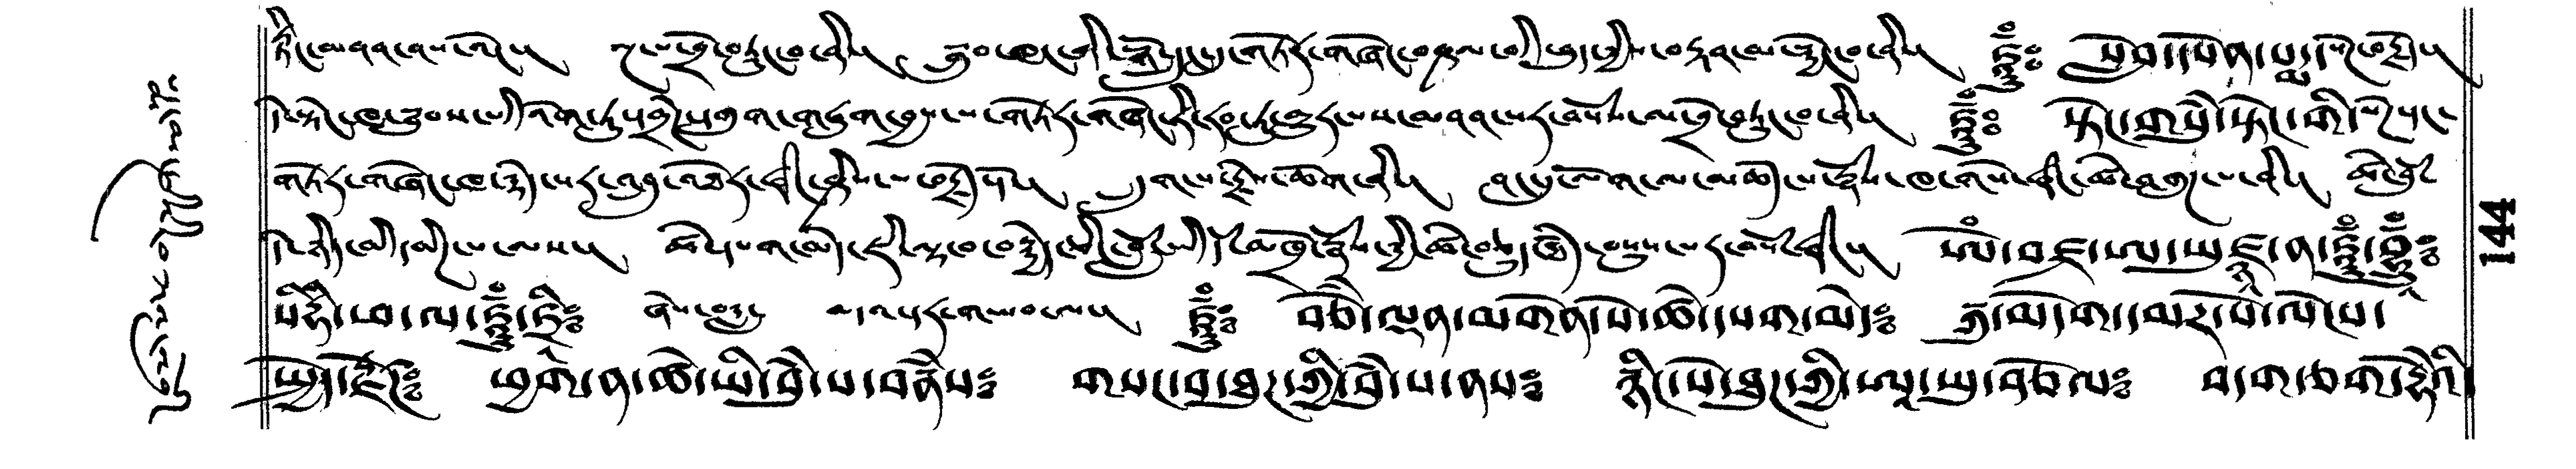རྟིང་མནན་ནས་འོང་། ལྔ་པ་ནི། སྒྲུབ་ཁང་གི་སྒོ་དྲུང་དུ་གཏོར་གཞོང་བཤལ་བའི་ཕུད་ཀྱིས་བརྟན་གཏོར་ལ་ཕྲན་ནས། ཧཱུྃ༔ སློབ་དཔོན་པདྨ་སོགས་བརྗོད། 
གཏོར་གཞོང་ཁ་སྦུབས་པའི་འོག་ཏུ་དགྲ་བགེགས་དགུག་གཞུག་བྱ་ཞིང་གཏོར་གཞོང་རི་རབ་ཏུ་གྱུར་པས་མནན་པར་བསམ་ལ་བྲོ་བརྡུང་བ་ནི། ཧཱུྃ༔ སྟོང་གསུམ་སྟོང་གི་སོགས་དང་། 
གཏོར་གཞོངཁ་ཟེད་པར་འབྲུ་འཐོར་ཞིང་ཤིས་པ་བརྗོད་དོ། དྲུག་པ་རྗེས་ཆོག་ནི། ནང་དུ་ལོག་ལ་མཆོད་པ་རྣམས་ཁ་གསོ་ཞིང་ཚེ་འགུགས་པ་ནི། ཚེ་བུམ་
དེ་ཉིད་མི་དམིགས་པ་ལས་ཚེ་དཔག་མེད་ཇི་ལྟ་བར་བསྐྱེད་ཅིང་བླ་མ་ཡི་དམ་མཁའ་འགྲོ་རྣམས་ཀྱི་ཚེ་བཅུད་ཐམས་ཅད་བསྡུས་པར་བསམ་ཞིང་། ཨོཾ་བཛྲ་ཨ་ཡུ་ཛྙཱ་ན་ཧཱུྃ་བྷྲཱུྃ༔ 
སིདྡྷི་ཕ་ལ་ཧཱུྃ་ཧྲཱིཿ ཞེས་བཟླ། མདའ་དར་གཡབ་ལ། ཧཱུྃ༔ བཅོམ་ལྡན་མགོན་པོ་ཚེ་དཔག་མེད༔ སྐུ་མདོག་དམར་པོ་ལོངས་
སྤྱོད་རྫོགས༔ ཕྱག་ན་ཚེ་ཡི་བུམ་པ་བསྣམས༔ གསང་བ་ཐུགས་ཀྱི་བུམ་པ་ནས༔ སྙིང་པོ་ཐུགས་ཀྱི་ཨཱ་ཡུ་སྩོལ༔ བདག་ཅག་རྡོ་རྗེའི་